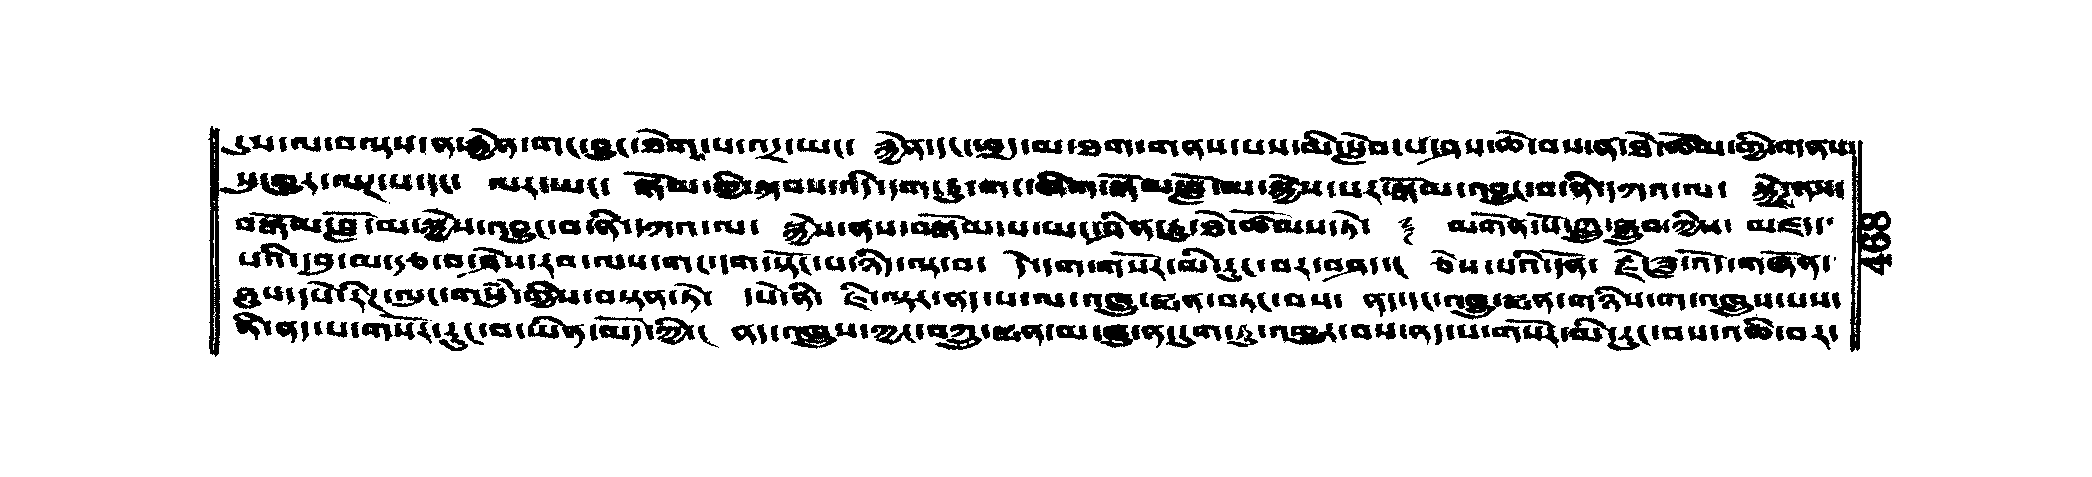དུས་ལ་བལྟས་ན་རྐྱེན་གང་བྱུང་ཐེགས་པ་འདྲ་ཡང་། རྐྱེན་དང་ཕྲད་མ་ཐག་གནས་པས་མི་སླེབ་པ་ཤས་ཆེ་བས་ན་ཐེ་ཚོམ་གྱི་གནས་
སུ་གྱུར་ལགས་པ་དང་། ལར་ཡང་། སྒོམ་གྱི་སྐབས་འདི་དག་ཏུ་གང་ཞིག་སྒོམ་སློབ་མ་སྐྱེས་པར་སྒོམ་འབྱུང་བ་ནི་དཀའ་ལ་ སྐྱེ་ནས་
སྒོམ་བློ་མ་སྐྱེས་པར་སྒོམ་འབྱུང་བ་ནི་དཀའ་ལ། སྐྱེས་ནས་བསྒོམ་པ་ཡང་ཤིན་ཏུ་ཐེ་ཚོམས་ཏེ། མགོན་པོ་ཀླུ་སྒྲུབ་ཀྱིས་མཛད་
པའི་དབུ་མ་རྩ་བ་ཤེས་རབ་ལས། གང་དག་སྟོང་པ་ཉིད་བལྟ་བ། །དེ་དག་གསོར་མི་རུང་བར་བཤད། ཅེས་པའི་དོན། རྗེ་ཟླ་འོད་གཞོན་
ནུས་དཔེ་རིགས་ལུང་གསུམ་གྱིས་བསྟན་ཏེ། དཔེ་ནི། ཇི་ལྟར་ནད་པ་ལ་འཁྲུ་སྨན་བཏང་བས། ནད་དང་འཁྲུ་སྨན་གཉིས་གང་འཁྲུས་པས་
ནི་ནད་པ་གསོར་རུང་བ་ཡིན་མོད་ཀྱི། ནད་འཁྲུས་ཀྱང་བཀྲུ་སྨན་མ་ཞུ་ན་དུག་ཏུ་འགྱུར་བས་ནད་པ་གསོར་མི་རུང་བས་འཆི་བར་